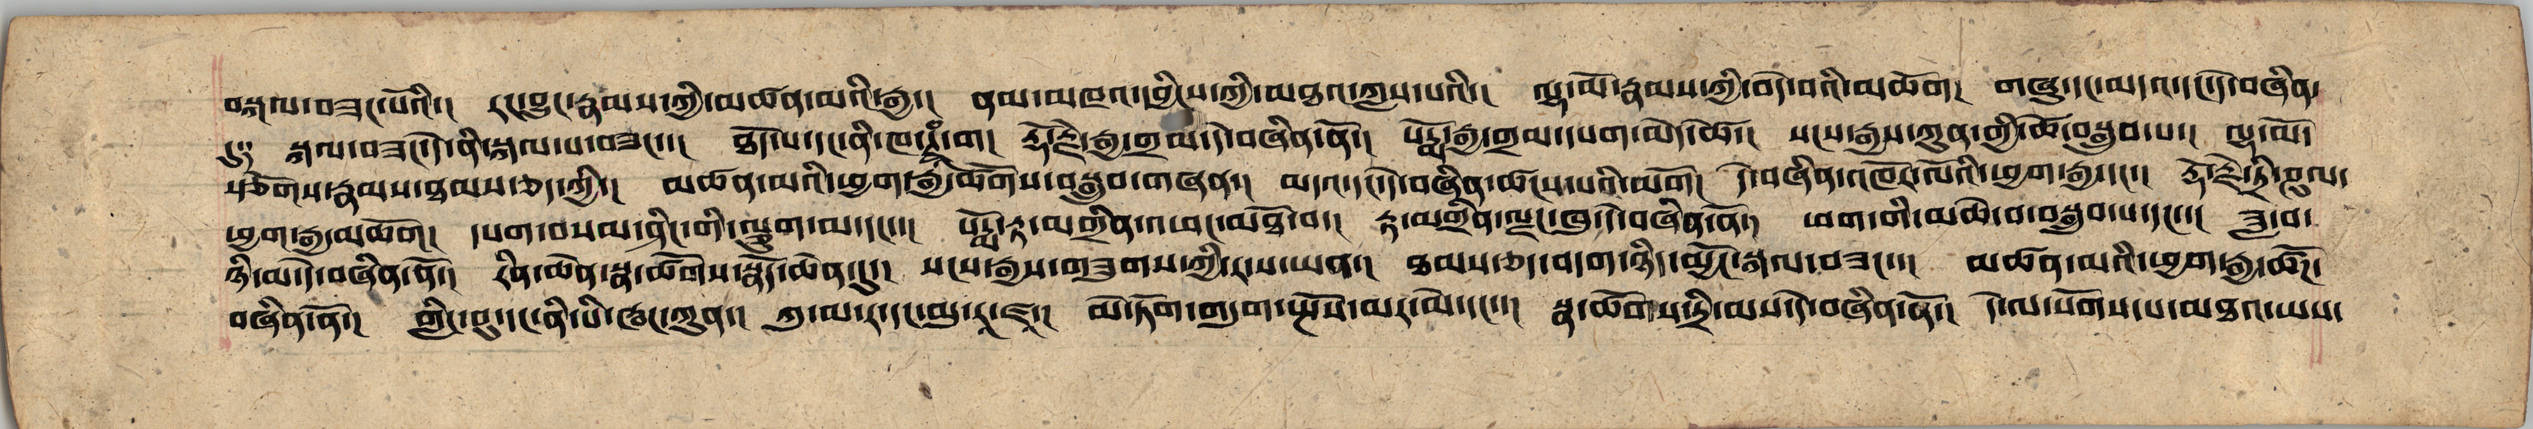བསྐལ་བཟང་པོའི་། རང་བྱུང་རྣམས་ཀྱི་མཚན་མའི་རྒྱ་། ནམ་མཁའ་དབྱིངས་ཀྱི་མཐའ་ཀླས་པའི་། ལྷ་མོ་རྣམས་ཀྱི་བདེ་བའི་མཆོག། གཞུ་དང་མདའ་དང་དེ་བཞིན་
དུ༑ སྐལ་བཟང་དེ་ནི་སྐལ་པ་བཟང་་། ཐོད་པ་དང་ནི་ཁ་ཊྭཱཾ་ག། རྡོ་རྗེ་རྒྱ་གྲམ་དེ་བཞིན་ནོ་། པདྨོ་རྒྱ་གྲམ་དཔག་མེད་ཚེ་། སངས་རྒྱས་ཀུན་གྱི་ཚེ་བསྒྲུབ་པ་། ལྷ་མོ་
སྩོགས་རྣམས་ཐམས་ཅད་ཀྱི་། མཚན་མའི་ཕྱག་རྒྱ་ཚོགས་བསྒྲུབ་གཞན་། མདའ་དང་དེ་བཞིན་ཚངས་པའི་མགོ། དེ་བཞིན་འཁོར་ལོའི་ཕྱག་རྒྱ་དང་། རྡོ་རྗེ་ཏྲི་ཤུལ་
ཕྱག་རྒྱ་མཆོག། དཔག་བསམ་ཤིང་གི་ལྕུག་མ་དང་་། པདྨོ་རྟ་མགྲིན་འཕང་མཐོ་བ་། རྟ་མགྲིན་ལྗང་ཁུ་དེ་བཞིན་ནོ་། ཕག་གི་མཆེ་བ་བསྒྲུབ་པ་དང་་། ཟླ་བ་
ཉི་མ་དེ་བཞིན་ནོ་། རིན་ཆེན་སྣ་ཚོགས་སྣོད་ཆེན་དུ་། སངས་རྒྱས་གཟུགས་ཀྱི་ར་ས་ཡན་། ཐམས་ཅད་བདག་ཉིད་མྱོང་སྐལ་བཟང་་། མཚན་མའི་ཕྱག་རྒྱ་ཚོཌ་
བཞིན་ནོ་། གླིང་བུ་དང་ནི་པི་ཝང་ཀུན་། ཀུ་མ་ར་དང་མུ་རཱ་ཛཱ་། མེ་ཏོག་གདུག་སྤོས་མར་མེ་དང་་། སྣ་ཚོགས་དྲི་མས་དེ་བཞིན་ནོ་། དེ་ལ་སོགས་པ་མཐའ་ཡས་